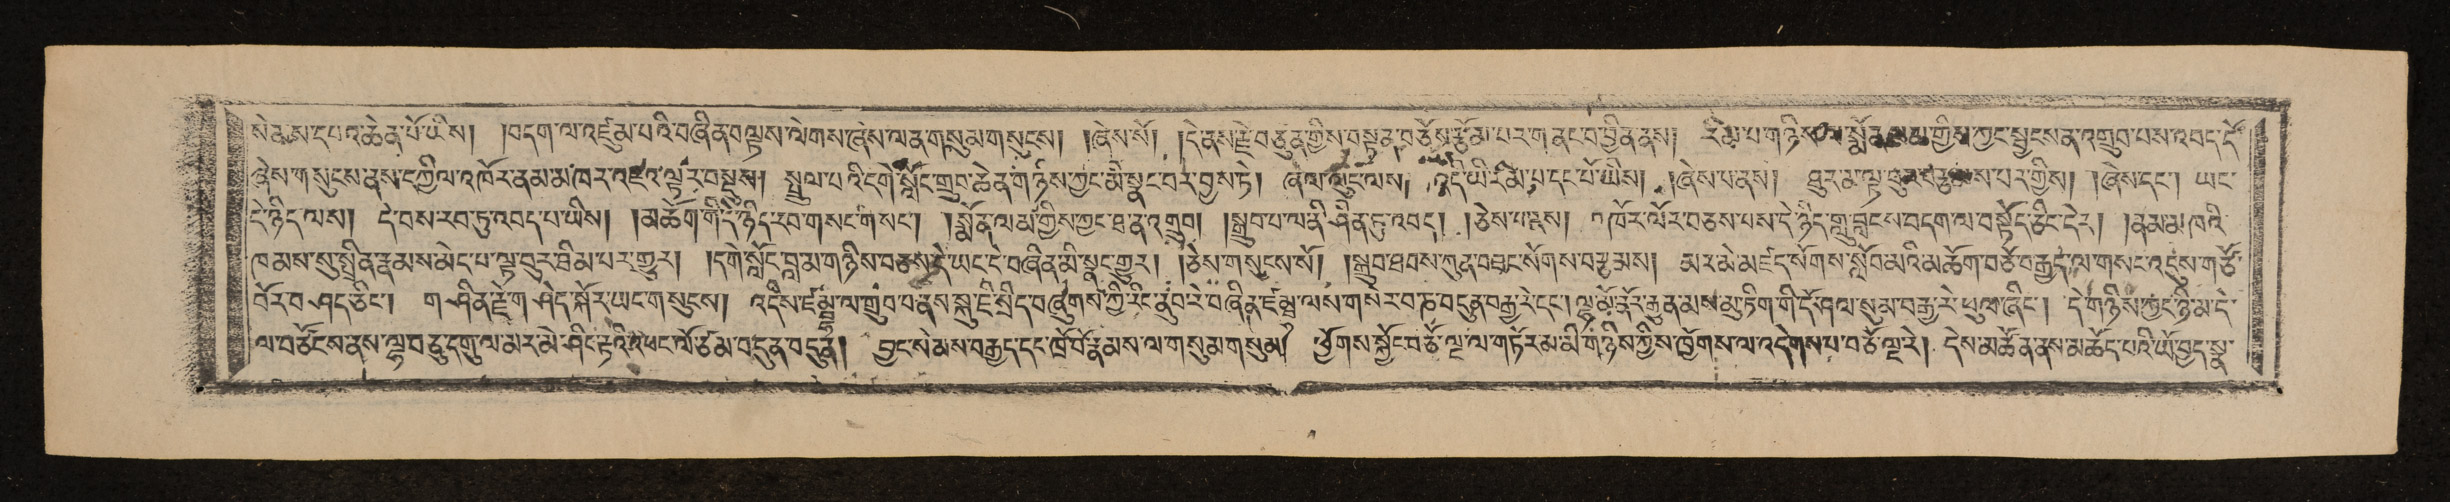སེམས་དཔའ་ཆེན་པོ་ཡིས། །བདག་ལ་འཛུམ་པའི་བཞིན་བལྟས་ལེགས་ཞེས་ལན་གསུམ་གསུངས། །ཞེས་སོ། །དེ་ནས་རྗེ་བཙུན་གྱིས་བསྟན་བཅོས་རྩོམ་པར་གནང་བ་བྱིན་ནས། རིམ་པ་གཉིས་ལ་སྨོན་ལམ་གྱིས་ཀྱང་སྦྱངས་ན་འགྲུབ་པས་འབད་དོ་
ཞེས་གསུངས་ནས་དཀྱིལ་འཁོར་ནམ་མཁར་འཇའ་ལྟར་བསྡུས། སྤྲུལ་པའི་དགེ་སློང་གྲུབ་ཆེན་གཉིས་ཀྱང་མི་སྣང་བར་བྱས་ཏེ། ཞལ་ལུང་ལས། འདི་ཡི་རིམ་བ་དང་པོ་ཡིས། །ཞེས་པ་ནས། ཐུར་མ་ལྟ་བུར་བརྩམས་པར་གྱིས། །ཞེས་དང་། ཡང་
དེ་ཉིད་ལས། དེ་བས་རབ་ཏུ་འབད་པ་ཡིས། །མཆོག་གི་དེ་ཉིད་རབ་གསང་གསང་། །སྨོན་ལམ་གྱིས་ཀྱང་ཐན་འགྲུབ། །སྒྲུབ་པ་ལ་ནི་ཤིན་ཏུ་འབད། །ཅེས་པ་ནས། འཁོར་ལོར་བཅས་པས་དེ་ཉིད་གླུ་བླངས་བདག་ལ་བསྟོད་ཅིང་དེར། །ནམ་མཁའི་
ཁམས་སུ་སྤྲིན་རྣམས་མེད་པ་ལྟ་བུར་ཐིམ་པར་གྱུར། །དགེ་སློང་བླ་མ་གཉིས་བཅས་དེ་ཡང་དེ་བཞིན་མི་སྣང་གྱུར། །ཅེས་གསུངས་སོ། །སྒྲུབ་ཐབས་ཀུན་བཟང་སོགས་བརྩམས། མར་མེ་མཛད་སོགས་སློབ་མའི་མཆོག་བཅོ་བརྒྱད་ལ་གསང་འདུས་གཙོ་
བོར་བཤད་ཅིང་། གཤིན་རྗེ་གཤེད་སྐོར་ཡང་གསུངས། འདིས་ཛམྦྷ་ལ་གྲུབ་པ་ནས་སྐུ་ཇི་སྲིད་བཞུགས་ཀྱི་རིང་ནུབ་རེ་བཞིན་ཛམྦྷ་ལས་གསེར་བཎ་བདུན་བརྒྱ་རེ་དང་། ལྷ་མོ་ནོར་རྒྱུན་མས་མུ་ཏིག་གི་དོ་ཤལ་སུམ་བརྒྱ་རེ་ཕུལ་ཞིང་། དེ་གཉིས་ཀྱང་ཉི་མ་དེ་
ལ་བཙོངས་ནས་ལྷ་བཅུ་དགུ་ལ་མར་མེ་ཤིང་རྟའི་འཕང་ལོ་ཙམ་བདུན་བདུན། བྱང་སེམས་བརྒྱད་དང་ཁྲོ་བོ་རྣམས་ལ་གསུམ་གསུམ། ཕྱོགས་སྐྱོང་བཅོ་ལྔ་ལ་གཏོར་མ་མི་གཉིས་ཀྱིས་ཁྱོགས་ལ་འདེགས་པ་བཅོ་ལྔ་རེ། དེས་མཚོན་ནས་མཆོད་པའི་ཡོ་བྱད་སྣ་